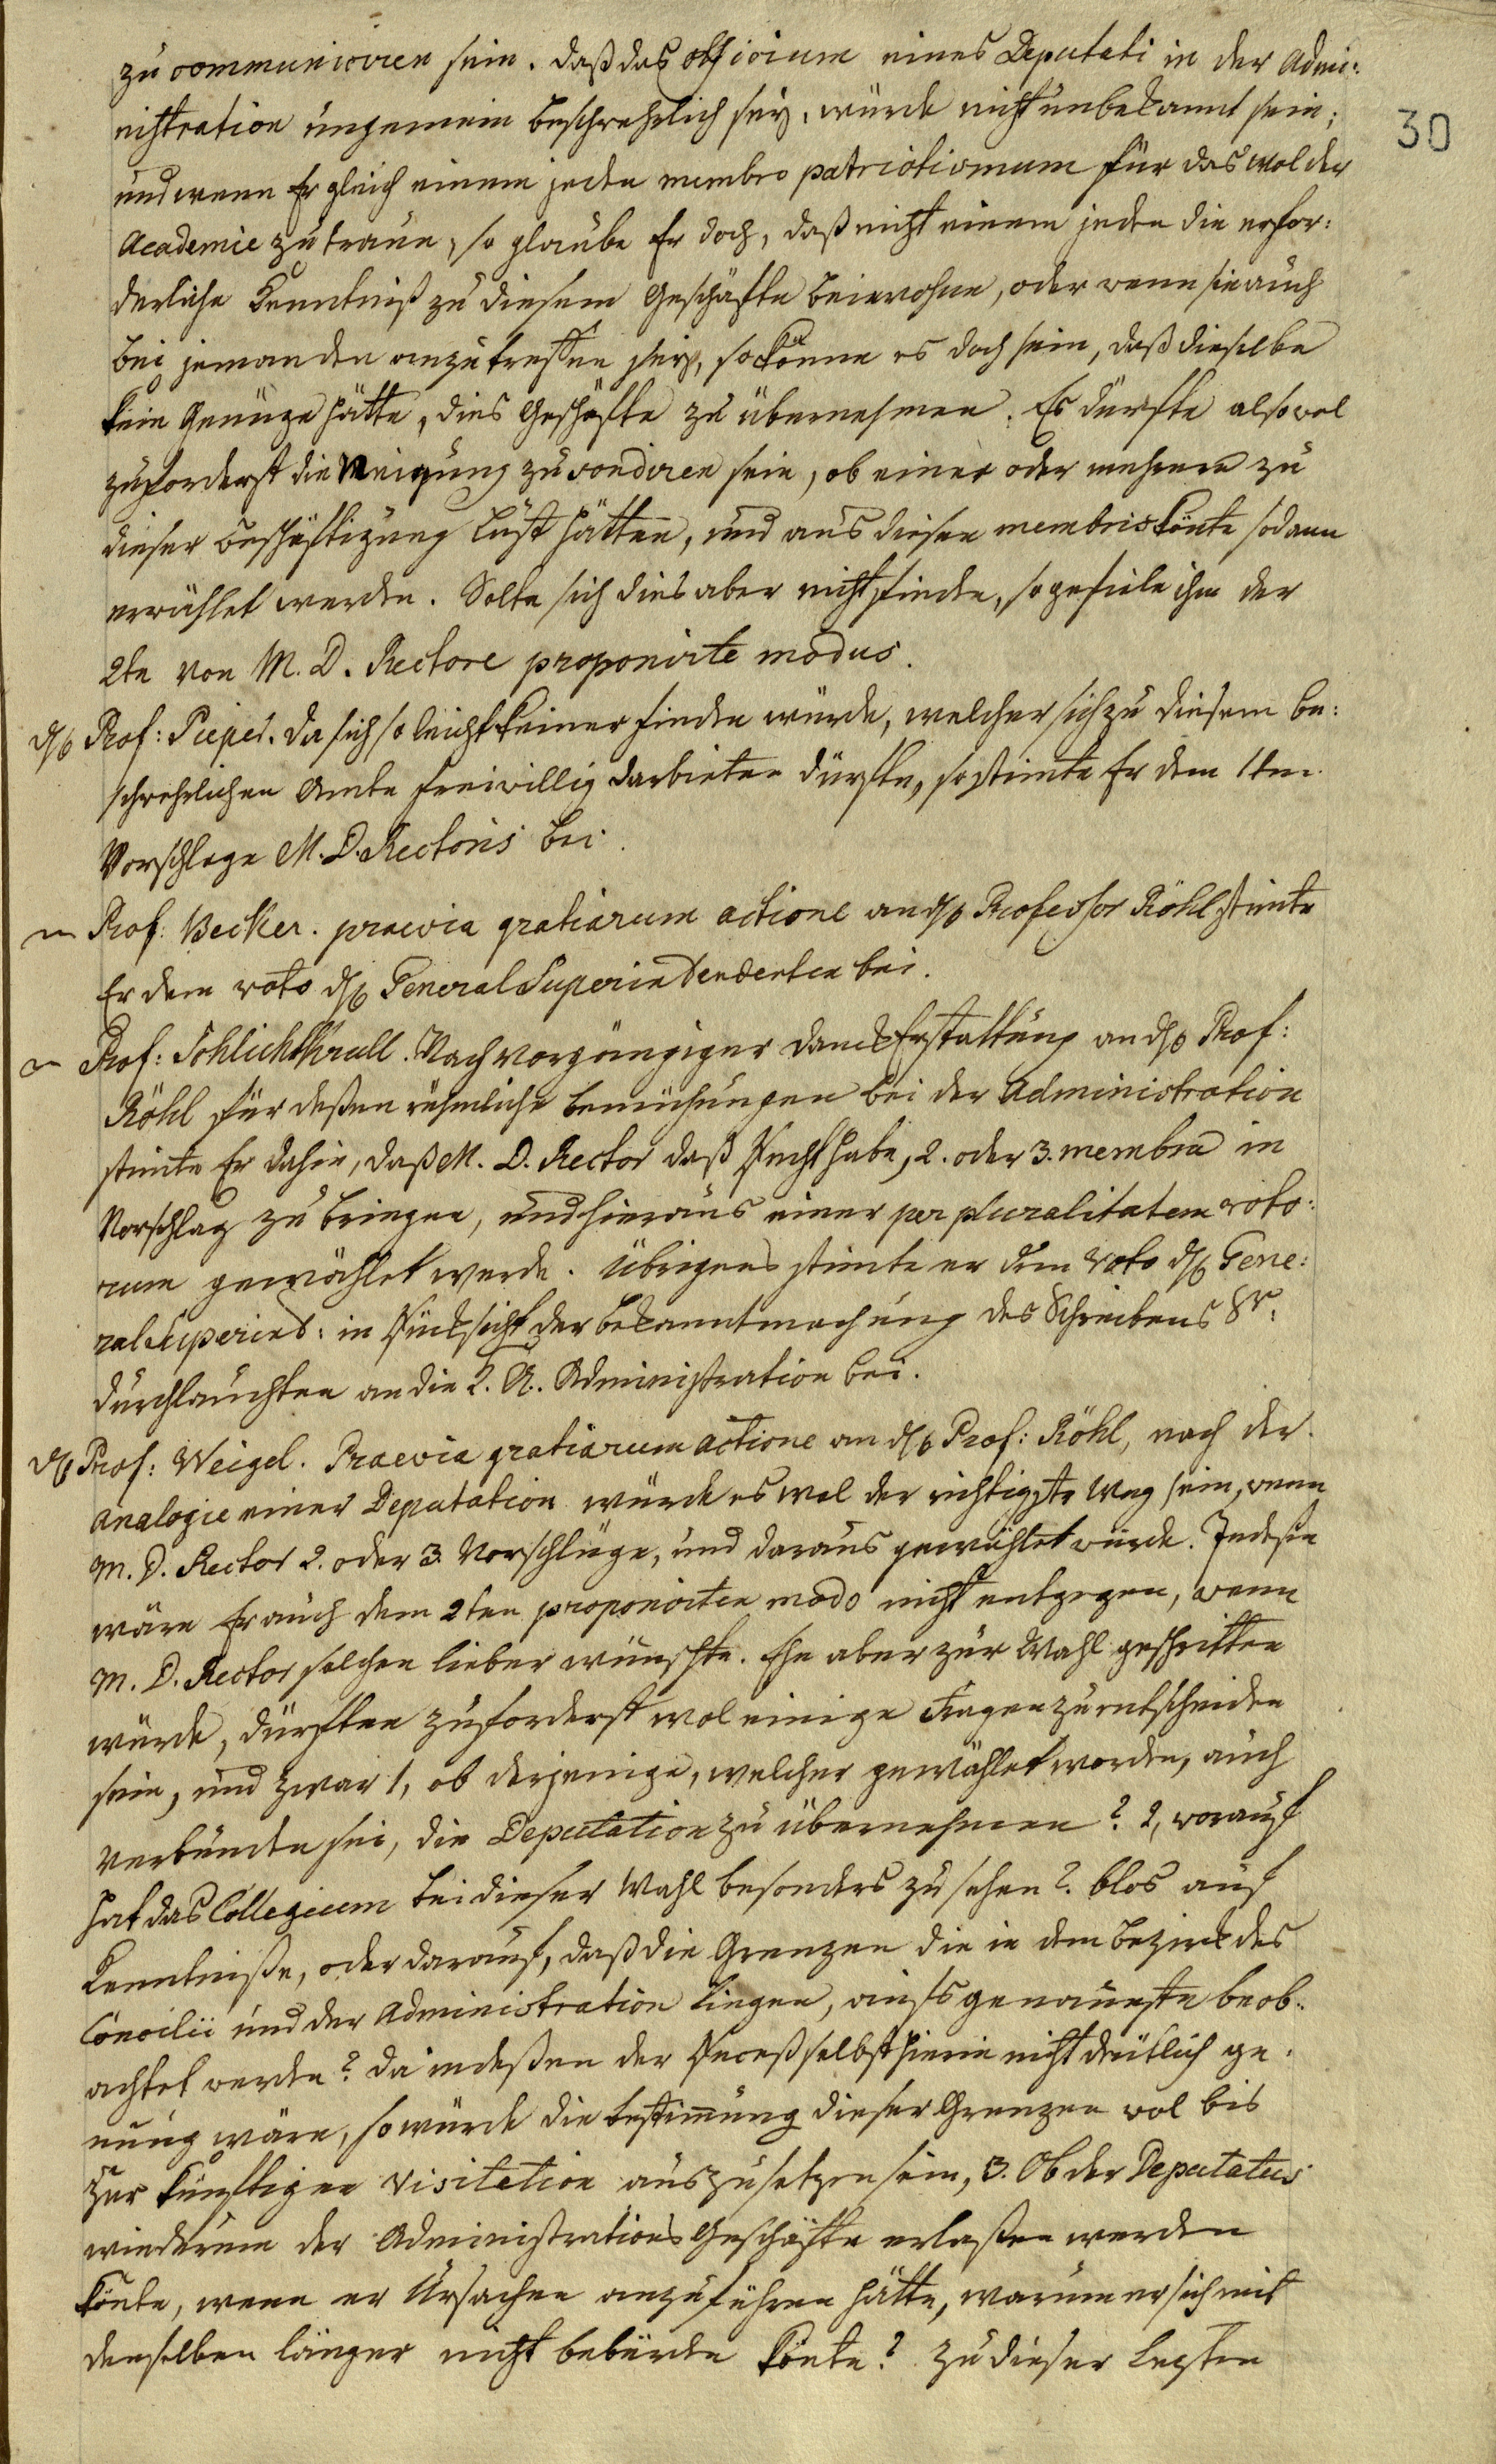zu communiciren sein. Daß das officium eines Deputati in der Admi¬
nistration ungemein beschwehrlich seÿ, würde nicht unbekannt sein;
und wenn Er gleich einem jeden membro patriotiomum für das wol der
Academie zutraue, so glaube Er doch, daß nicht einem jeden die erfor¬
derliche Kenntniß zu diesem Geschäfte beiwohne, oder wenn sie auch
bei jemanden anzutreffen seÿ, so könne es doch sein, daß dieselbe
kein Genüge hätte, dies Geschäfte zu übernehmen. Es dürfte also wol
zuforderst die Neigung zu sondiren sein, ob einer oder mehrere zu
dieser Beschäftigung Lust hätten, und aus diesen membris könte sodann
erwählet werden. Solte sich dies aber nicht finden, so gefiele ihm der
2te von M. D. Rectore proponirte modus.
dh Prof. Pieper. Da sich so leicht keiner finden würde, welcher sich zu diesem be¬
schwehrlichen Amte freiwillig darbieten dürfte, so stimte Er dem 1ten
Vorschlage M. D. Rectoris bei.
Prof. Becker. praevia gratiarum actione an dh Professor Röhl stimte
Er dem voto dh GeneralSuperintendenten bei.
Prof. Schlichtkrull. Nach vorgängiger DankErstattung an dh Prof.
Röhl für deßen rühmliche Bemühungen bei der Administration
stimte Er dahin, daß M. D. Rector daß Recht habe, 2. oder 3. membra in
Vorschlag zu bringen, und hieraus einer per pluralitatem voto¬
rum gewählet werde. Übrigens stimte er dem voto dh Gene¬
ralSuperint. in Rücksicht der Bekanntmachung des Schreibens Sr
Durchlauchten an die K. A. Administration bei.
dh Prof. Weigel. Praevia gratiarum actione an dh Prof. Röhl, nach der
Analogie einer Deputation würde es wol der richtige Weg sein, wenn
M. D. Rector 2. oder 3. Vorschläge, und daraus gewählet würde. Indeßen
wäre Er auch dem 2ten proponirten modo nicht entgegen, wenn
M. D. Rector solchen lieber wünschte. Ehe aber zur Wahl geschritten
würde, dürften zuforderst wol einige Fragen zu entscheiden
sein, und zwar 1, ob derjenige welcher gewählet worden, auch
verbunden sei, die Deputation zu übernehmen? 2, worauf
hat das Collegium bei dieser Wahl besonders zu sehen? blos auf
Kenntniße, oder darauf, daß die Grenzen die in dem Bezirk des
Concilii und der Administration liegen, aufs genaueste beob¬
achtet werden? Da indeßen der Recess selbst hierin nicht deutlich ge¬
nung wäre, so würde die Bestimung dieser Grenzen wol bis
zur künftigen visitation auszusetzen sein, 3. ob der Deputatus
wiederum der Administrations Geschäfte erlaßen werden
könte, wenn Er Ursachen anzuführen hätte, warum er sich mit
denselben länger nicht bebürden könte? Zu dieser lezten